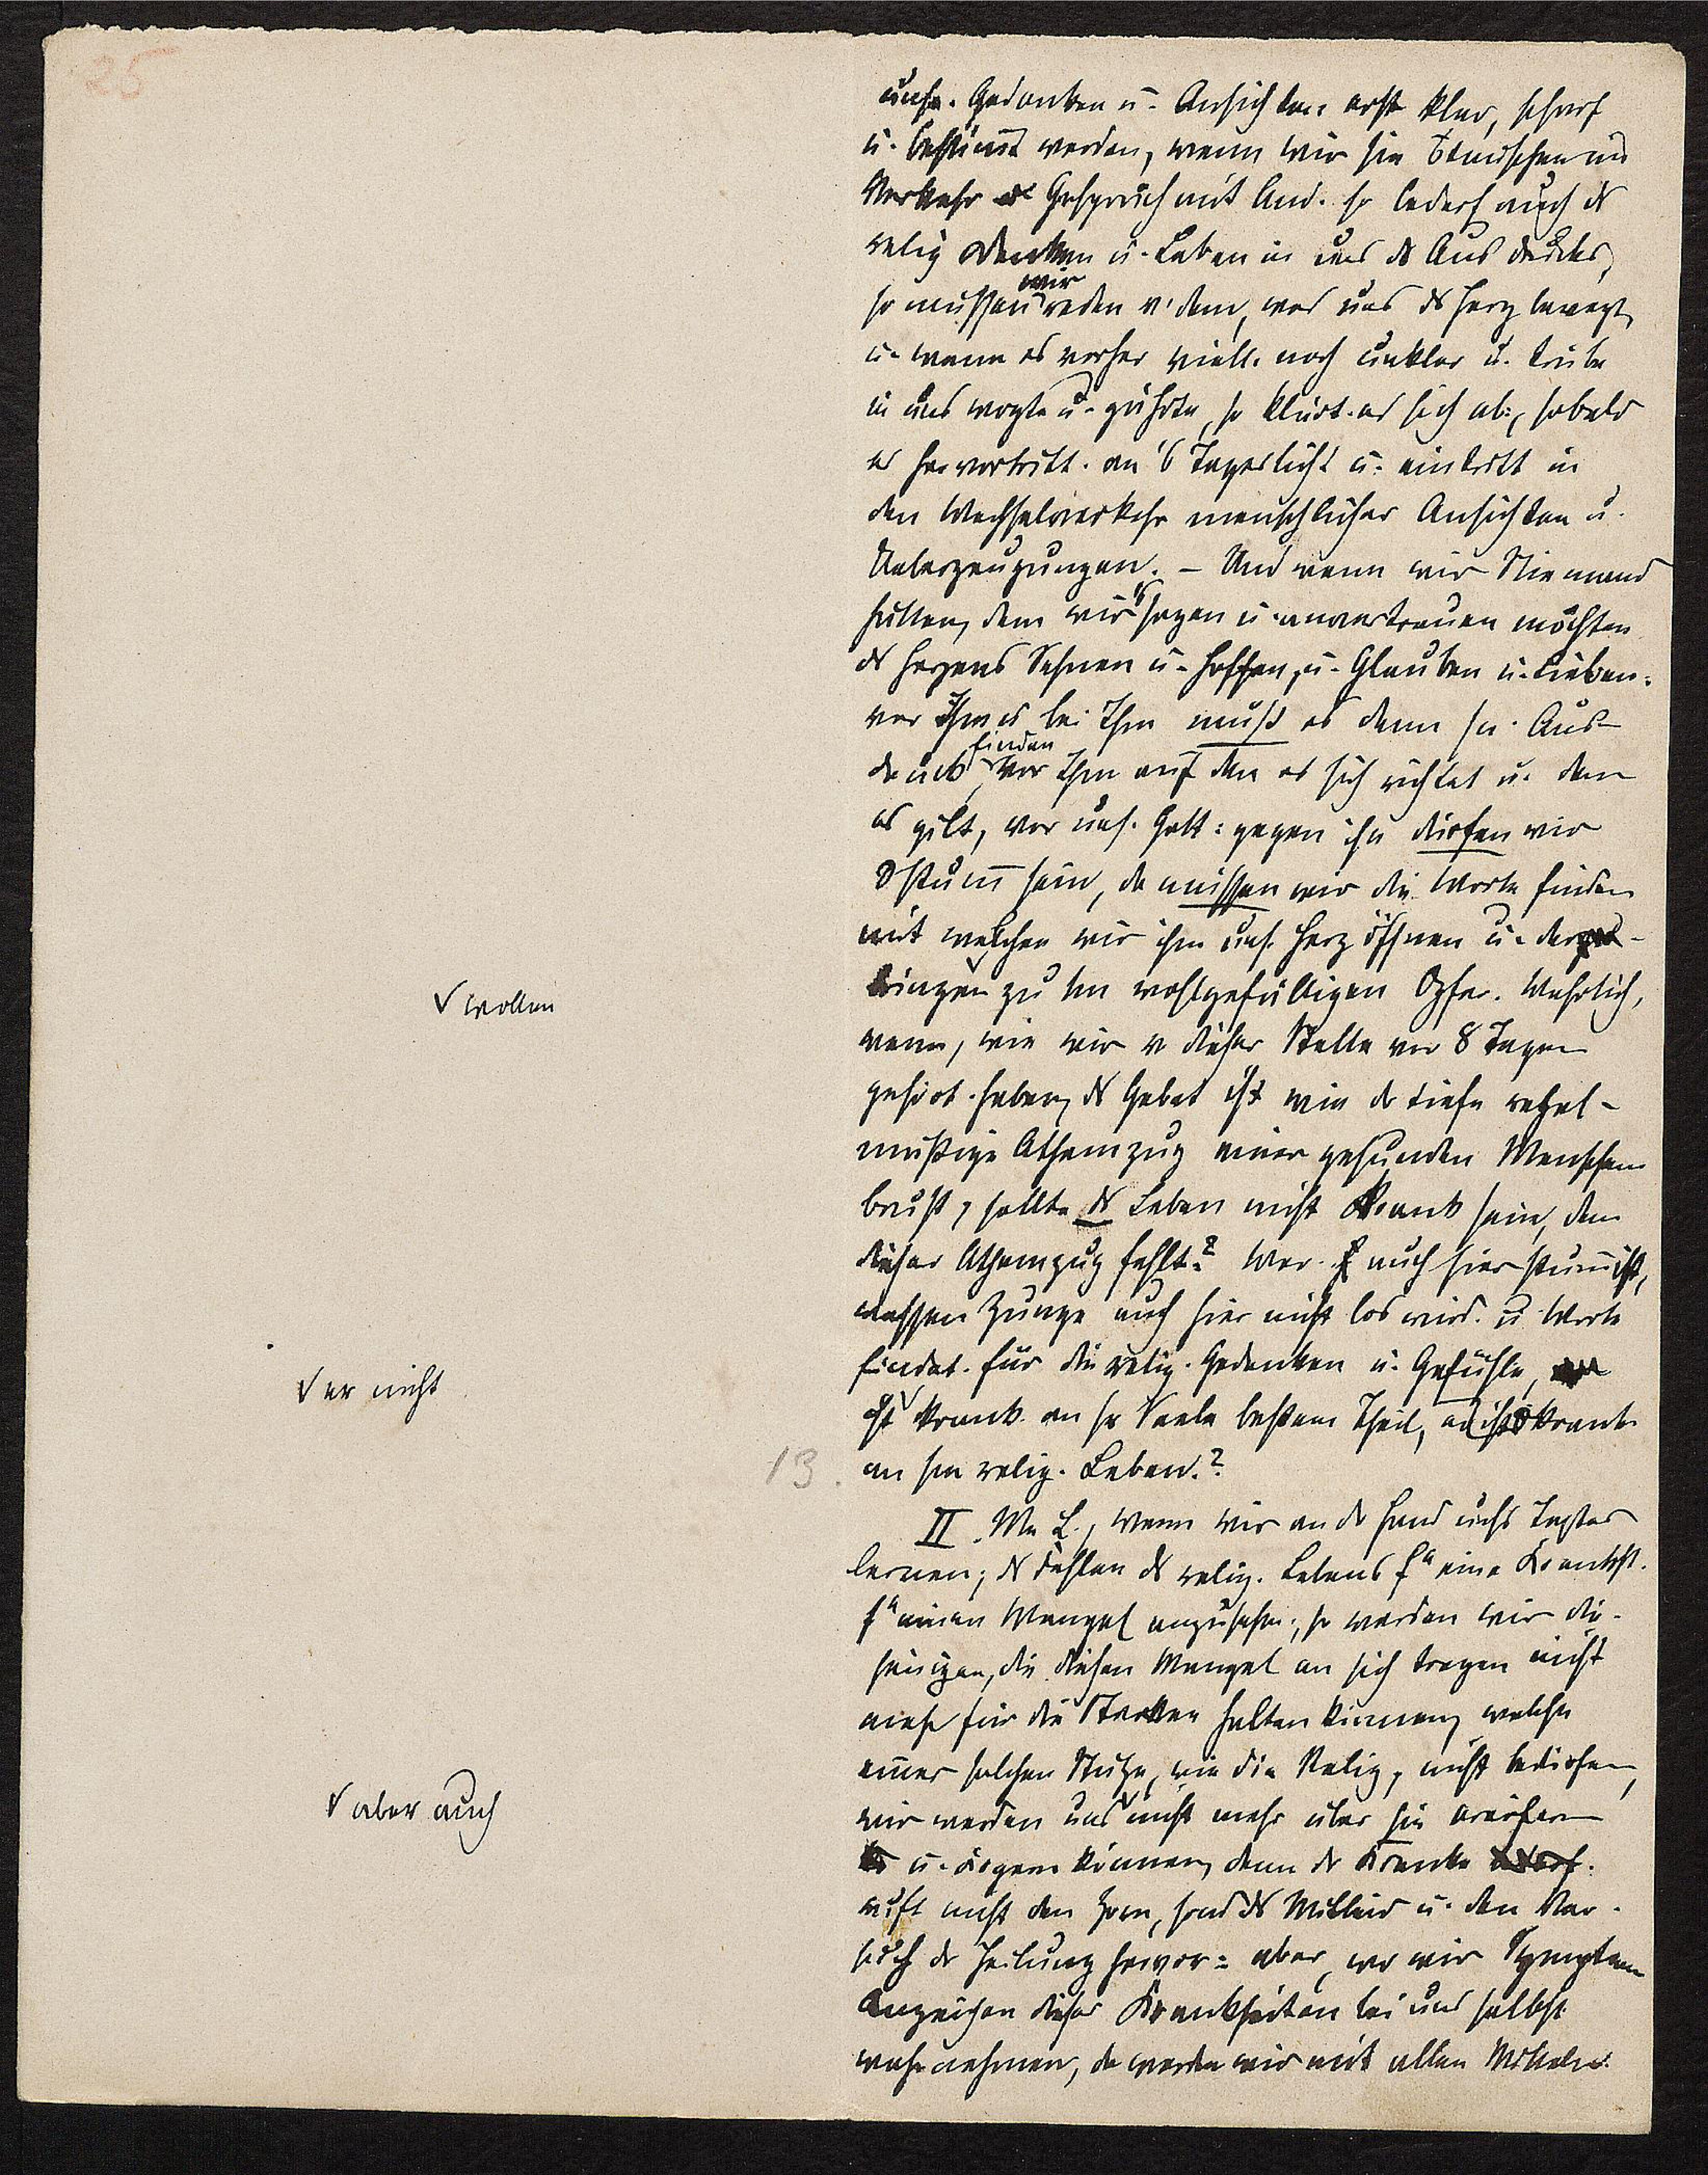V er nicht
V aber auch
V wollen
unsr. Gedanken u. Ansichten erst klar, scharf
u. bestimmt werden, wenn wir sie stauschen ein
Vorkehr u. Gespräch mit And. so bedarf auch ds
relig Denken u. Leben in uns ds Ausdrucks
wir
so müssen reden v. dem, was uns das Herz bewegt,
u. wenn es vorher viell. noch unklar u. trübe
in uns wogte u. gährte, so klärt es sich ab., sobald
es hervortritt. an's Tageslicht u. eintritt in
den Wechselverkehr menschlicher Ansichten u.
Ueberzeugungen. _ Und wenn wir Niemand
hätten, dem wir sagen u anvertrauen möchten
ds Herzens Sehnen u. Hoffen u. Glauben u. Lieben:
vor Jsm u. bei Ihm, müßt es denn sn. Aus¬
finden
druck vor Ihm auf den es sich richtet u. dem
es gilt, vor uns. Gott: gegen ihn dürfen wir
o stum sein, da müssen wir die Worte finden
mit welchen wir ihm des Herz öffnen u. dar¬
bringen zu sm wohlgefälligen Opfer. Wahrlich,
wenn, wie wir v. dieser Stelle vor 8 Tagen
gehört. haben, ds Gebet ist wie der tiefe regel¬
mäßigen Athemzug einer gesunder Menschen¬
brust, sollte das Leben nicht krank sein, dem
dieser Athemzug fehlt? Wer auch hier stum ist,
wessen Zunge auch hier nicht los wird. u Worte
findet für die relig. Gedanken u. Gefühle an
ist V krank an sr Seele besten Theil, er ist o krank
an sm relig. Leben?
II. Mn L., wenn wir an der Hand uns Textes
lernen, das Fehlen des relig. Lebens fü eine Krankht.
fü einen Mangel anzusehen, so werden wir, die¬
jeinigen, die diesen Mangel an sich tragen nicht
mehr für die Starken halten können, welche
einer solchen Stütze, wie die Relig, nicht bedürfen,
wir werden uns nicht mehr über sie ereifern
k. u. ärgern können, denn dr Kranke bedarf.
ruft nicht den Zorn, sond. ds Mitleid u. den Ver¬
such der Heilung hervor: aber, wo wir Symptome,
Anzeichen dieser Krankheiten bei uns selbst
wahrnehmen, da werden wir mit allen Mittel